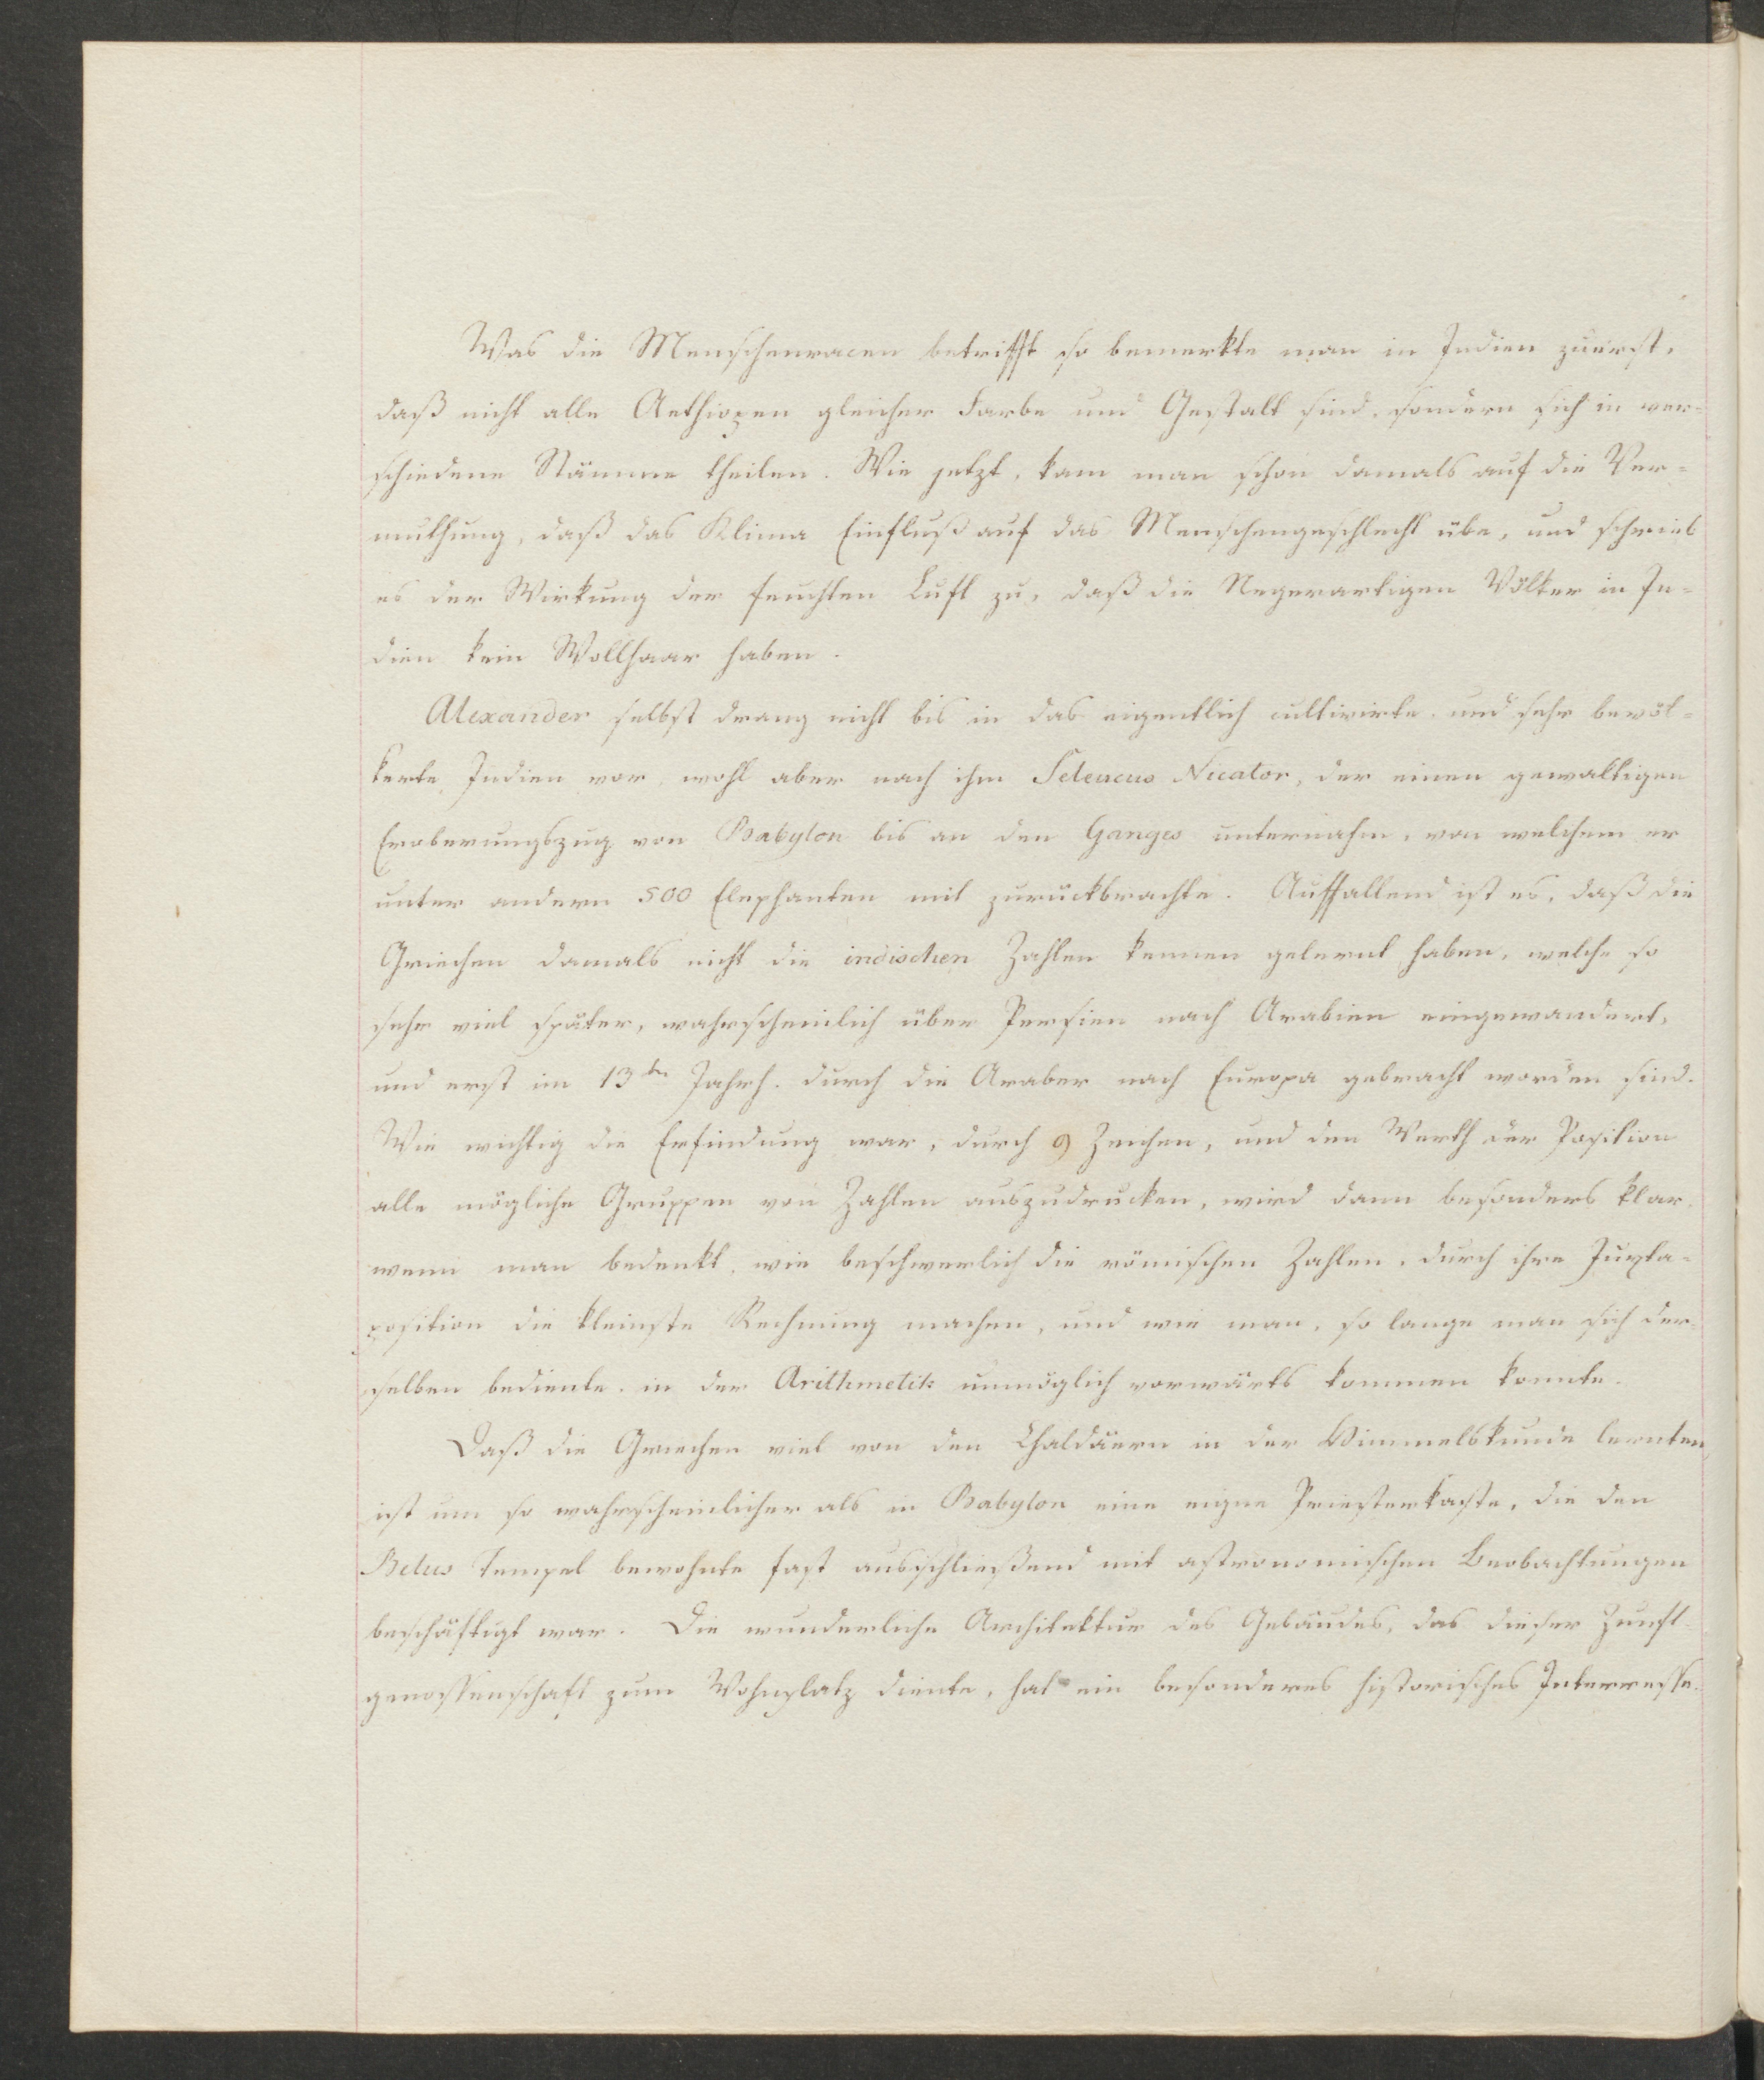Was die Menschenracen betrifft so bemerkte man in Indien zuerst,
daß nicht alle Aethiopen gleicher Farbe und Gestalt sind, sondern sich in ver-
schiedene Stämme theilen. Wie jetzt, kam man schon damals auf die Ver-
muthung, daß das Klima Einfluß auf das Menschengeschlecht übe, und schrieb
es der Wirkung der feuchten Luft zu, daß die Negerartigen Völker in In-
dien kein Wollhaar haben.
Alexander selbst drang nicht bis in das eigentlich cultivirte und sehr bevöl-
kerte Indien vor, wohl aber nach ihm Seleucus Nicator, der einen gewaltigen
Eroberungszug von Babylon bis an den Ganges unternahm, von welchem er
unter andern 500 Elephanten mit zurückbrachte. Auffallend ist es, daß die
Griechen damals nicht die indischen Zahlen kennen gelernt haben, welche so
sehr viel später, wahrscheinlich über Persien nach Arabien eingewandert,
und erst im 13t￼ Jahrh. durch die Araber nach Europa gebracht worden sind.
Wie wichtig die Erfindung war, durch 9 Zeichen, und den Werth der Position
alle möglichen Gruppen von Zahlen auszudrucken, wird dann besonders klar,
wenn man bedenkt, wie beschwerlich die römischen Zahlen, durch ihre Juxta-
position die kleinste Rechnung machen, und wie man, so lange man sich der-
selben bediente, in der Arithmetik unmöglich vorwärts kommen konnte.
Daß die Griechen viel von den Chaldäern in der Himmelskunde lernten,
ist um so wahrscheinlicher als in Babylon eine eigne Priesterkaste, die den
Belus Tempel bewohnte fast ausschließend mit astronomischen Beobachtungen
beschäftigt war. Die wunderliche Architektur des Gebäudes, das dieser Zunft-
genossenschaft zum Wohnsitz diente, hat ein besonderes historisches Interresse.